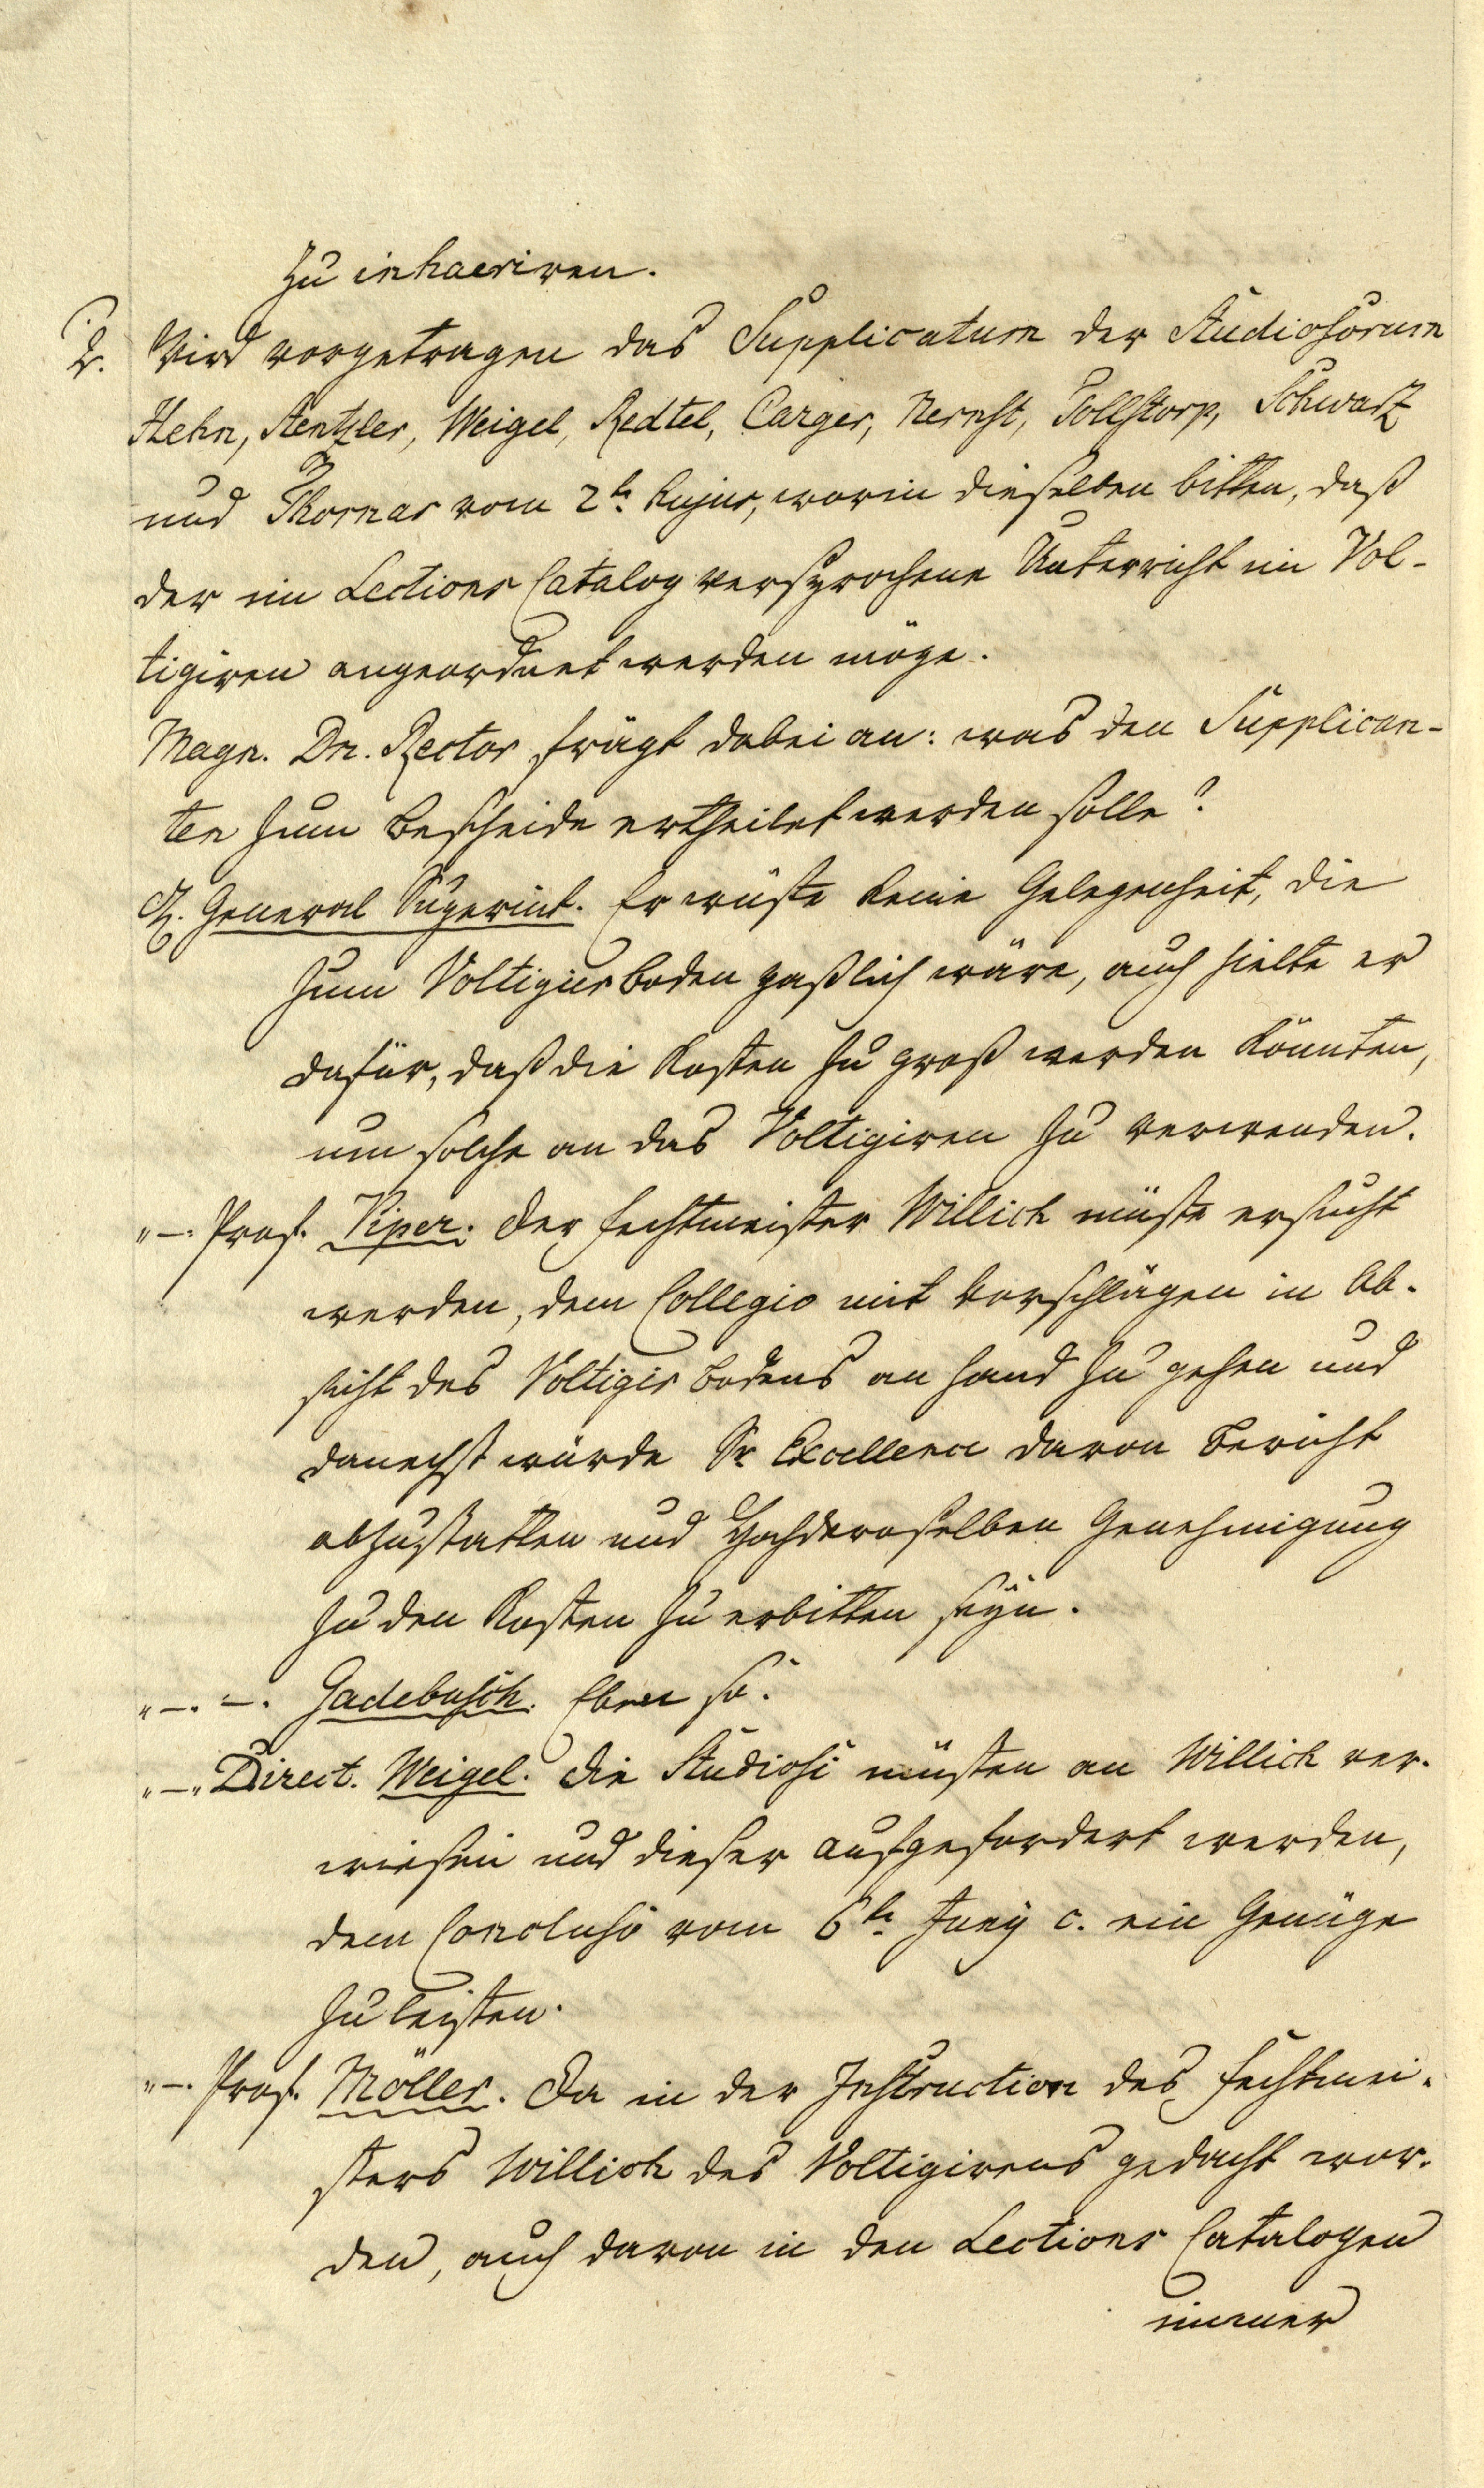zu inhaeriren.
2.) Wird vorgetragen das Supplicatum der Studiosorum
Hehn, Stentzler, Weigel, Redtel, Carger, Nernst, Tollstorp, Schwarz
und Thomas vom 2ten hujus, worin dieselben bitten, daß
der im Lections Catalog versprochene Unterricht im Vol-
tigiren angeordnet werden möge.
Magn. dn. Rector frägt dabei an: was den Supplican-
ten zum Beschiede ertheilet werden solle?
dh. General Superint. Er wüste keine Gelegenehit, die
zum Voltigierboden paßlich wäre, auch hielte er
dafür, daß die Kosten zu groß werden könnten,
um solche an das Voltigiren zu verwenden.
" - " Prof. Piper. Der Fechtmeister Willich müßte ersucht
werden, dem Collegio mit Vorschlägen in Ab-
sicht des Voltigirbodens an hand zu gehen und
danechst würde Sr. Excellence davon Bericht
abzustatten und Hochderoselben Genehmigung
zu den Kosten zu erbitten seyn.
" - " - " Gadebusch. Eben so.
" - " Direct. Weigel. Die Studiosi müßten an Willich ver-
wiesen und dieser aufgefordert werden,
dem Concluso vom 6ten Juny c. ein Genüge
zu leisten.
" - . Prof. Möller. Da in der Instruction des Fechtmei-
sters Willich des Voltigirens gedacht wor-
den, auch davon in den Lections Catalogen
immer